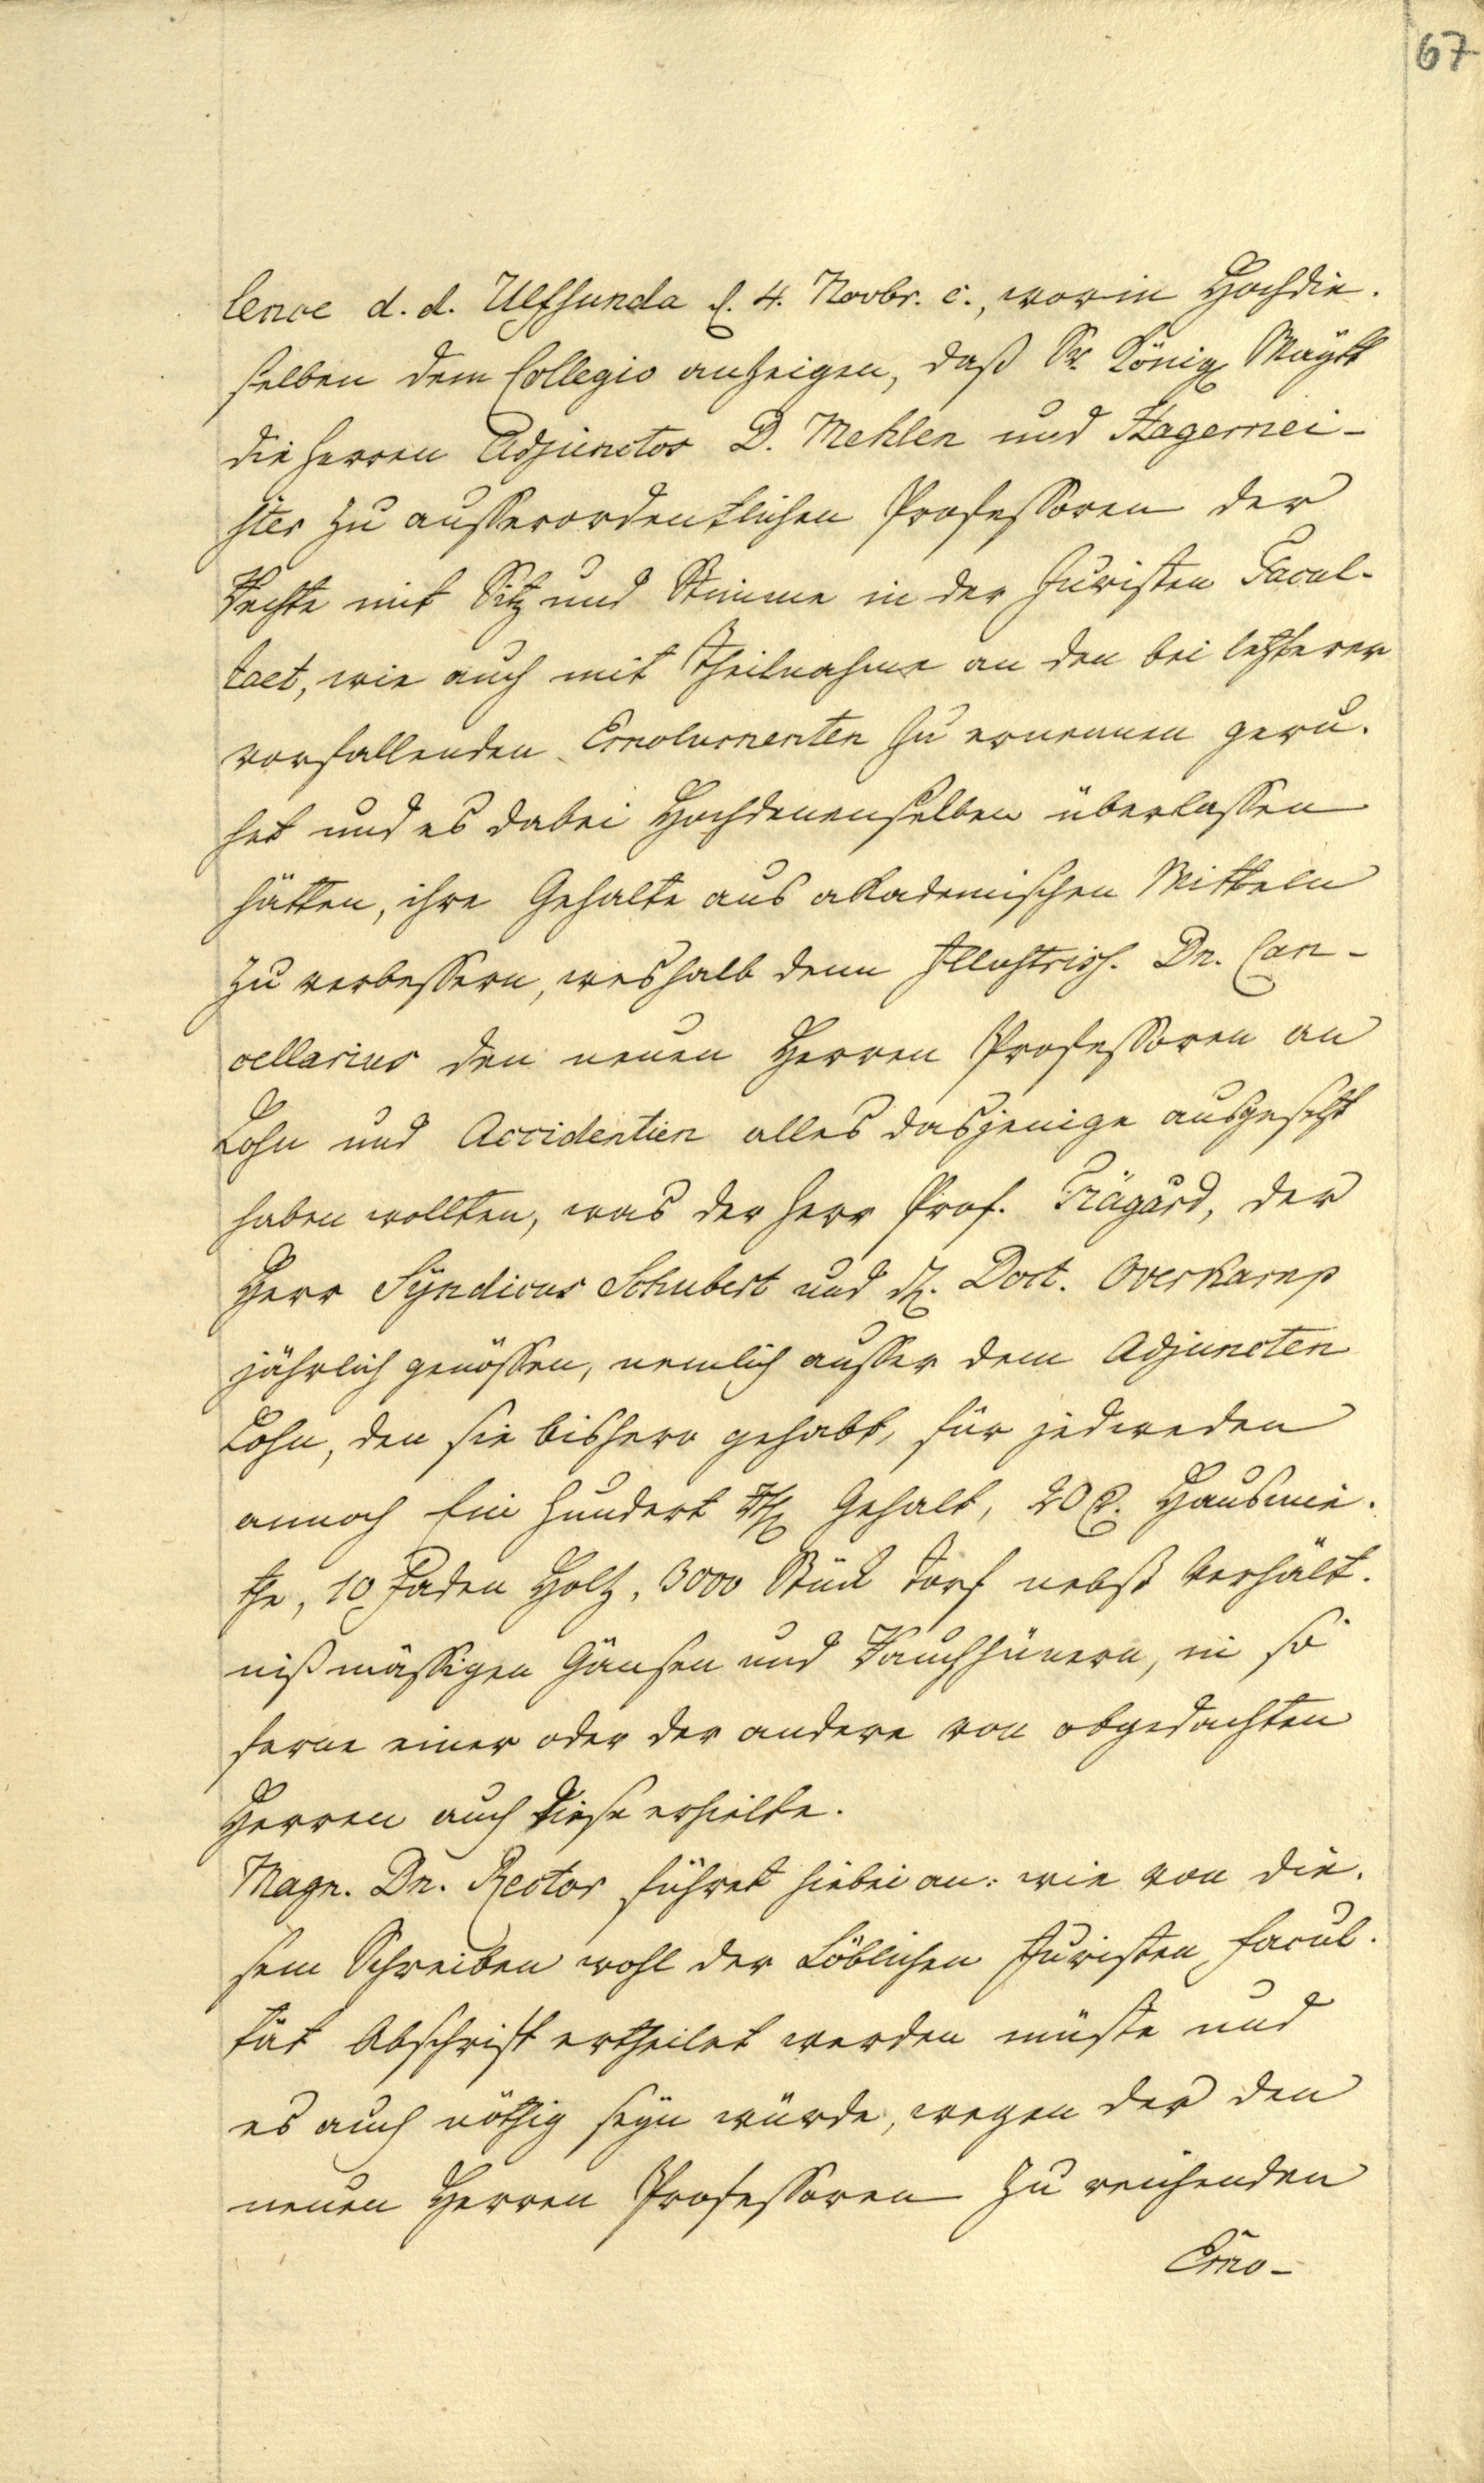lence d. d. Ulfsunda d. 4. Novbr. c. worin Hochdie¬
selben dem Collegio anzeigen, daß Sr Königl. Maÿtt.
die Herren Adjuncto D. Mehlen und Hagemei-
ster zu ausserordentlichen Professoren der
Rechte mit Sitz und Stimme in der Juristen Facul¬
taet, wie auch mit Theilnahme an den bei letzterer
vorfallenden Emolumenten zu ernennen geru¬
het und es dabei Hochdenenselben überlassen
hätten, ihre Gehalte aus akademischen Mitteln
zu verbessern, weshalb denn Illustriss. Dn. Can¬
cellarius den neuen Herren Professoren an
Lohn und Accidenten alles dasjenige ausgesetzt
haben wollten, was der Herr Prof. Trägård, der
Herr Sÿndicus Schubert und dh. Doct. Overkamp
jährlich genössen, nemlich ausser dem Adjuncten
Lohn, den sie bishero gehabt, für jedweden
annoch Ein hundert rth. Gehalt, 20 l. Hausmie¬
the, 10 Faden Holz, 3000 Stück Torf nebst verhält¬
nißmässigen Gänsen und Rauchhünern, in so
ferne einer oder der andere von obgedachten
Herren auch diese erhielte.
Magn. Dn. Rector führet hiebei an: wie von die¬
sen Schreiben wohl der Löblichen Juristen, Facul¬
tät Abschrift ertheilet werden müßte und
es auch nöthig seÿn würde, wegen der den
neuen Herren Professoren zu reichenden
Emo-